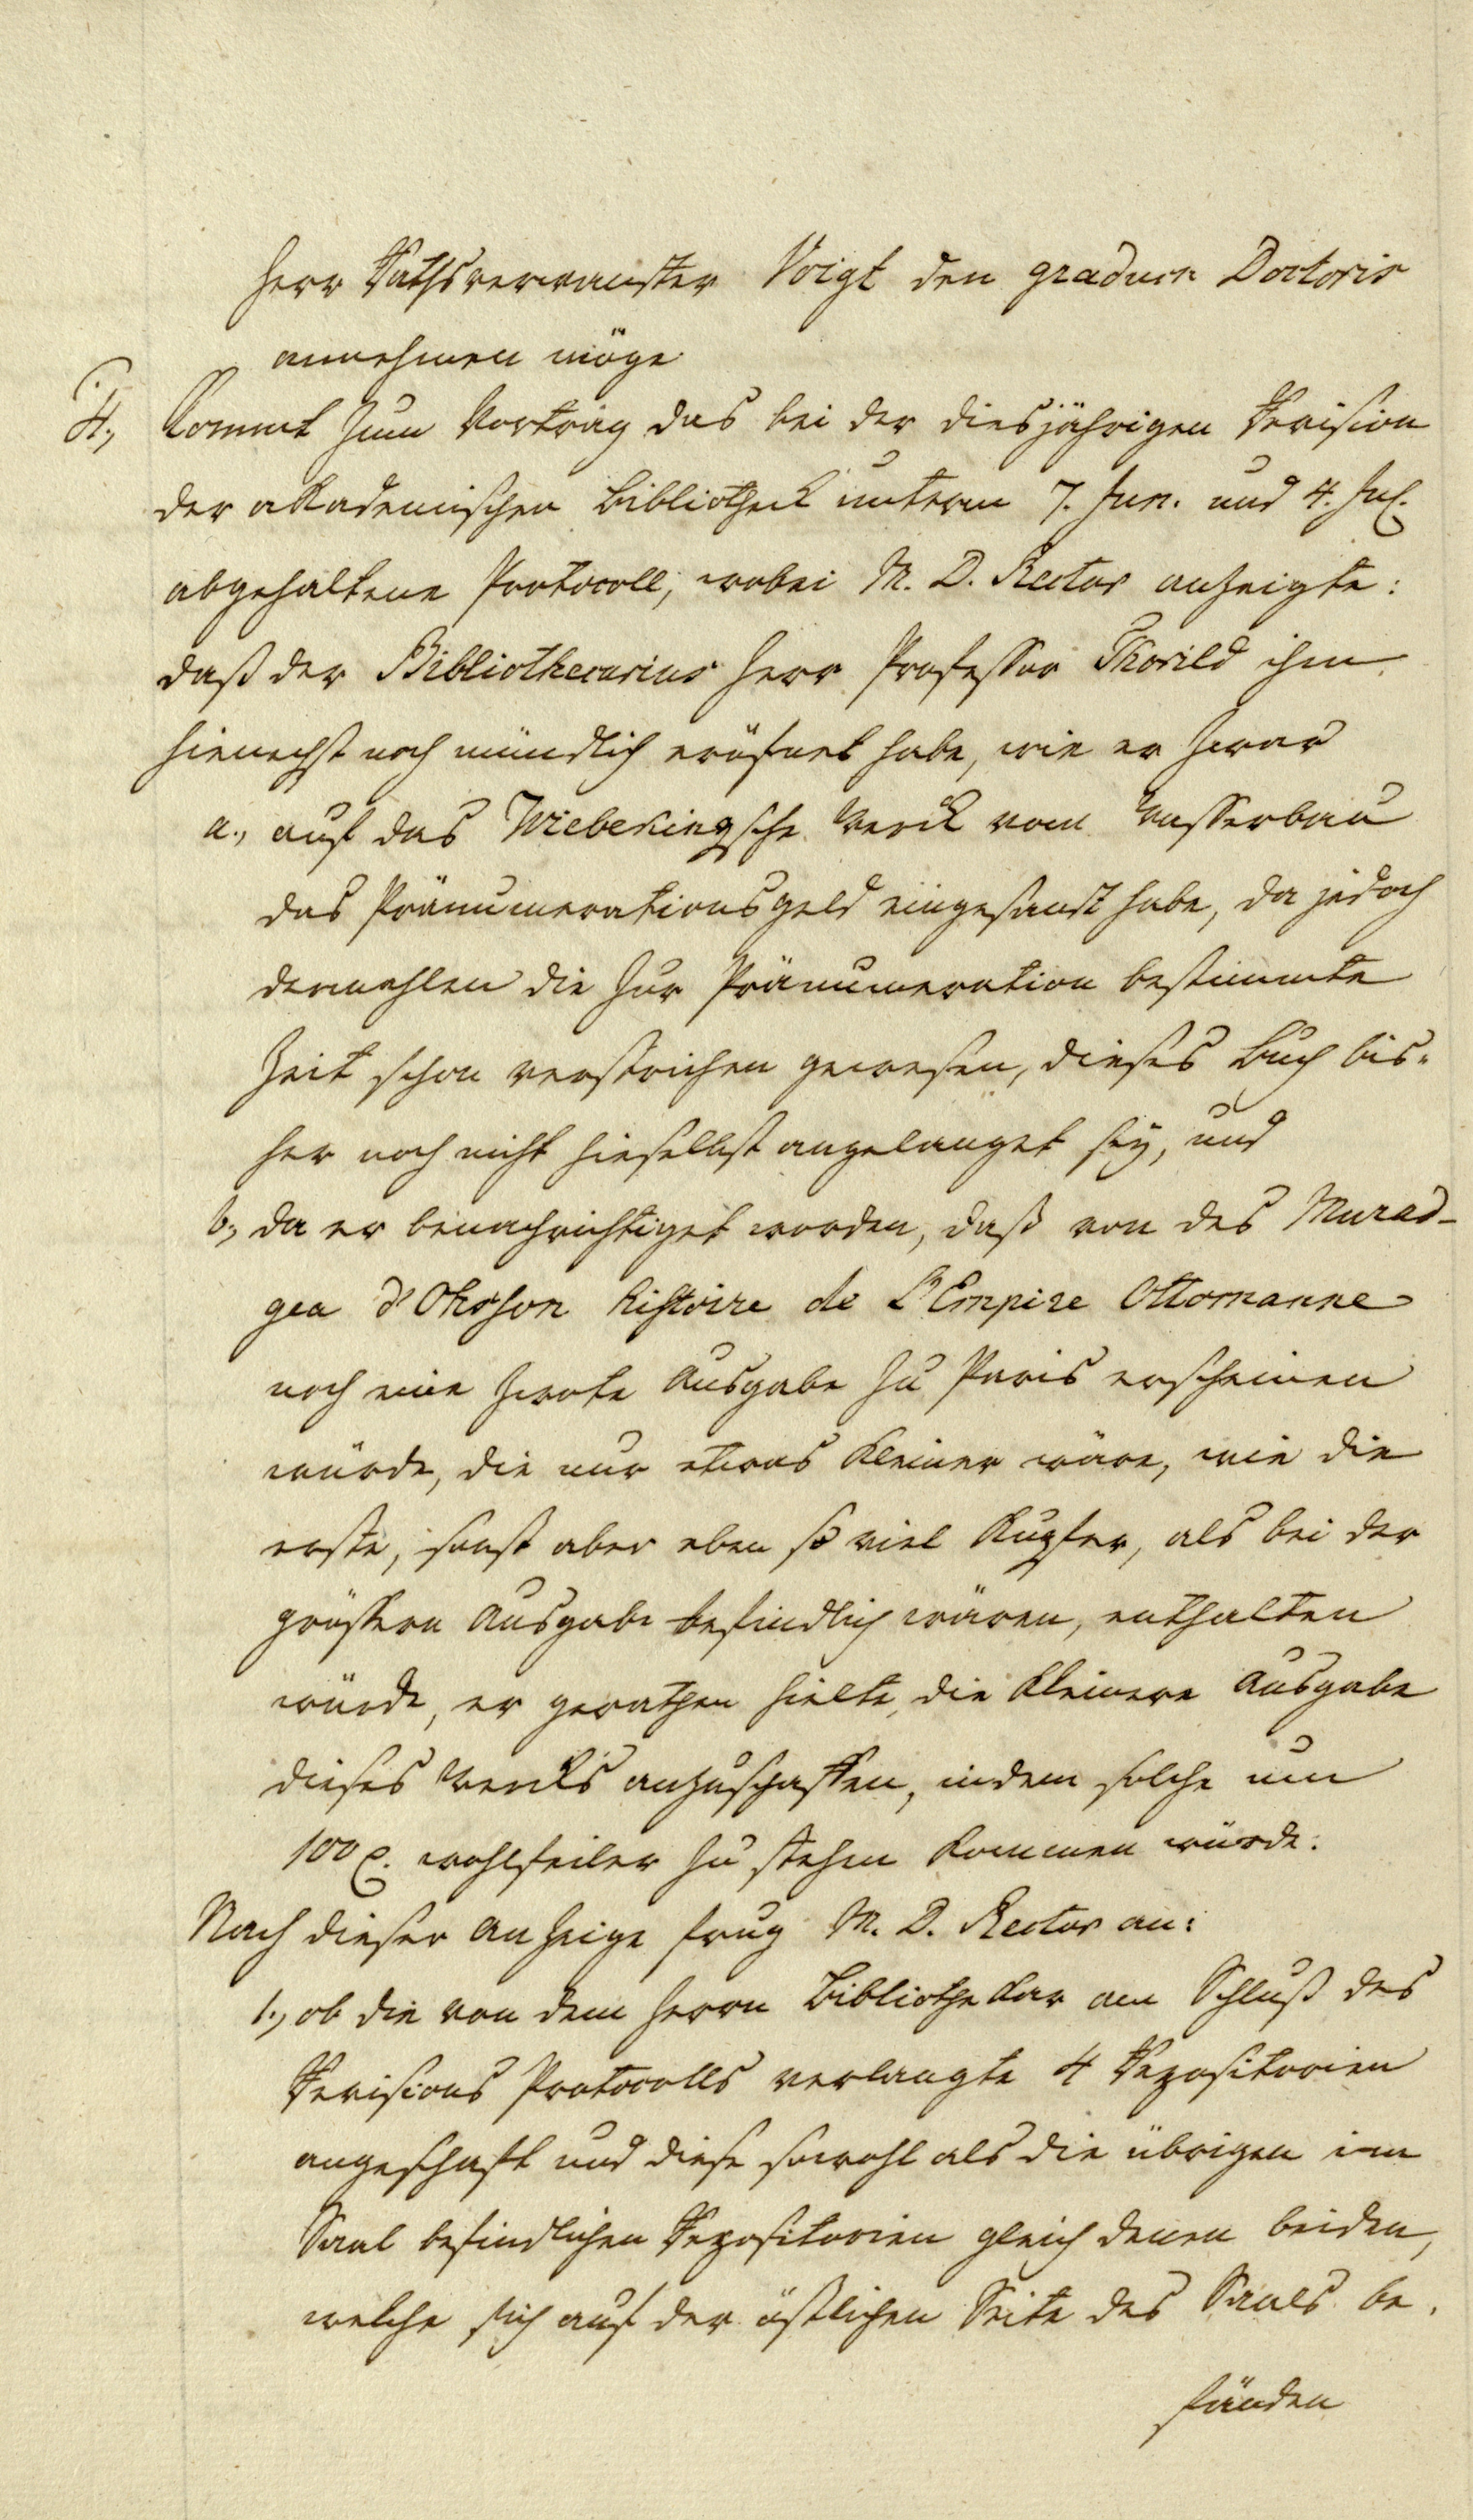herr Rathsverwandter Voigt den gradum Doctoris
annehmen möge.
4., Kommt zum Vortrag das bei der diesjährigen Revision
der akademischen Bibliotheck unterm 7. Jun. und 4. Jul.
abgehaltene Protocoll, wobei M. D. Rector anzeigte:
daß der Bibliothecarius herr Professor Thorild ihm
hienechst noch mündlich eröfnet habe, wie er zwar
a., auf das Wiebekingsche Werck vom Wasserbau
das Pränumerationsgeld eingesandt habe, da jedoch
dermahlen die zur Pränumeration bestimmte
Zeit schon verstrichen gewesen, dieses Buch bis¬
her noch nicht hieselbst angelanget seÿ, und
b., da er benachrichtiget worden, daß von des Murad¬
gea d Ohsson histoire de L Empire Ottomanne
noch eine zwote Ausgabe zu Paris erscheinen
würde, die nur etwas kleiner wäre, wie die
erste, sonst aber eben so viel Kupfer, als bei der
grössern Ausgabe befindlich wären, enthalten
würde, er gerathen hielte, die kleinere Ausgabe
dieses Wercks anzuschaffen, indem solche um
100 l. wohlfeiler zu stehen kommen würde.
Nach dieser Anzeige frug M. D. Rector an:
1., ob die von dem herrn Bibliothekar am Schluß des
Revisions Protocolls verlangte 4 Repositorien
angeschaft und diese sowohl als die übrigen im
Saal befindlichen Repositorien gleich denen beiden,
welche sich auf der östlichen Seite des Saals be¬
fänden